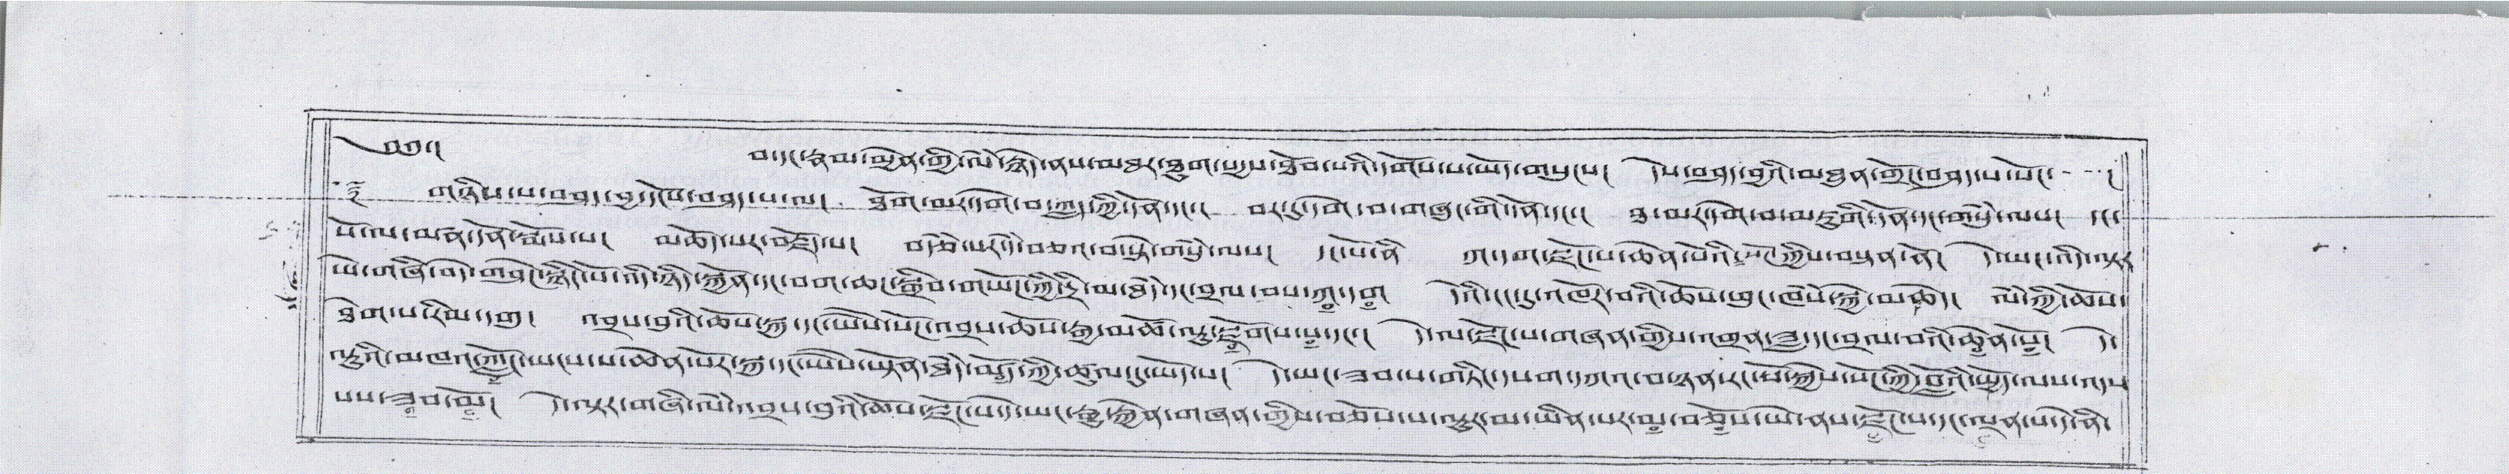པ་དང་རྣམ་མཁྱེན་གྱི་ལམ་རྙེད་ནས་མཐར་ཐུག་སངས་རྒྱས་ཐོབ་པའི་དགོས་པ་ཡོད་གསུངས། དེས་བཤད་བྱའི་མཐུན་གྲོགས་བཤད་པ་སོང་།། ༧ 
གཉིས་པ་བཤད་བྱ་དངོས་བཤད་པ་ལ། ཐོག་མར་དགེ་བ་ཀླད་ཀྱི་དོན་དང་། བར་དུ་དགེ་བ་གཞུང་གི་དོན་དང་། ཐ་མར་དགེ་བ་མཇུག་གི་དོན་དང་གསུམ་ལས། དང་
པོ་ལ་མཚན་དོན་སྨོས་པ། མཆོད་པར་བརྗོད་པ། རྩོམ་པར་དམ་བཅའ་བ་དང་གསུམ་ལས། དང་པོ་ནི། ཀ་དག་རྫོགས་པ་ཆེན་པོའི་སོགས་ཀྱིས་བསྟན་ནོ། དེ་ཡང་འདི་ལྟར་
ཡེ་གཞི་བདེར་གཤེགས་སྙིང་པོ་འདི་ཉིད་སྐྱོན་དང་བག་ཆགས་སྒྲིབ་གཡོགས་ཀྱི་དྲི་མ་ཐམས་ཅད་དང་བྲལ་བས་ཀ་དག དེའི་ངང་དུ་འཁོར་བའི་ཆོས་ཕུང་ཁམས་སྐྱེ་མཆེད། ལམ་གྱི་ཆོས་
ཐེག་པ་རིམ་དགུ། འབྲས་བུའི་ཆོས་སྐུ་དང་ཡེ་ཤེས་སོགས་འབྲས་ཆོས་རྒྱ་མཚོ་ལྟ་བུ་རྫོགས་པ་དང་། དེ་ལ་རྫོགས་པ་གཞན་གྱིས་འགྲན་ཟླ་དང་བྲལ་བས་ཆེན་པོ། དེ་
ལྟ་བུའི་མཁའ་ཀློང་ཡངས་པ་ཆེན་པོར་སྐུ་དང་ཡེ་ཤེས་ཡོན་ཏན་གྱི་མཛོད་ཀྱི་ཚུལ་དུ་ཡོད་པ་དང་། དེ་ཡང་ཟབ་པ་གཏིང་དཔག་དཀའ་བ། ཉན་རང་སོ་སྐྱེ་སོགས་ཀྱི་བློ་ཡི་སྤྱོིད་ལས་འདས་
པས་ཟབ་མོ། དེ་ཡང་གཞི་ལམ་འབྲས་བུའི་ཆོས་རྫོགས་པ་དེ་ཡང་རྒྱུ་རྐྱེན་གཞན་གྱིས་བཅོས་པ་ལྟ་བུར་མ་ཡིན་པར་མ་བཅོས་ཡེ་ནས་རྫོགས་པ་དང་ལྡན་པ་དེ་ནི་